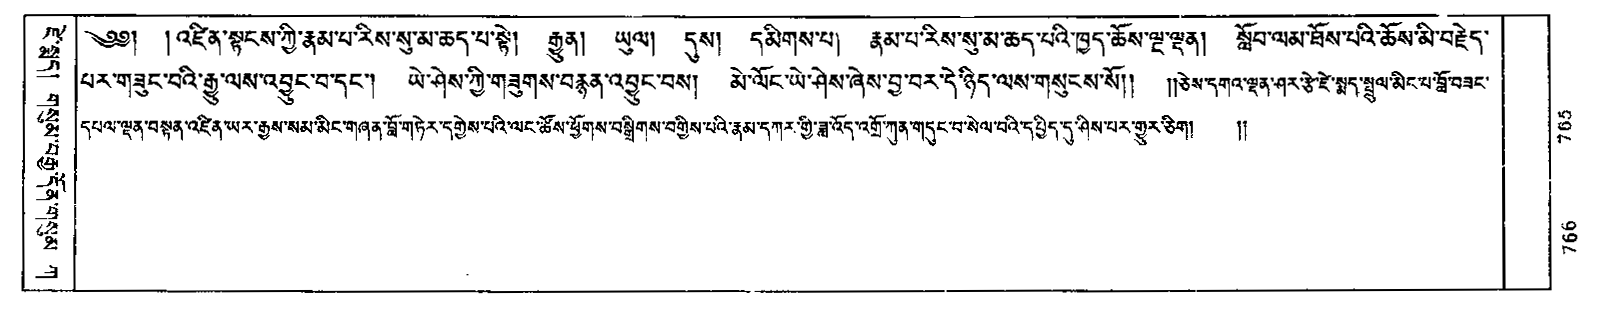༄༅། །འཛིན་སྟངས་ཀྱི་རྣམ་པ་རིས་སུ་མ་ཆད་པ་སྟེ། རྒྱུན། ཡུལ། དུས། དམིགས་པ། རྣམ་པ་རིས་སུ་མ་ཆད་པའི་ཁྱད་ཆོས་ལྔ་ལྡན། སློབ་ལམ་ཐོས་པའི་ཆོས་མི་བརྗེད་
པར་གཟུང་བའི་རྒྱུ་ལས་འབྱུང་བ་དང་། ཡེ་ཤེས་ཀྱི་གཟུགས་བརྙན་འབྱུང་བས། མེ་ལོང་ཡེ་ཤེས་ཞེས་བྱ་བར་དེ་ཉིད་ལས་གསུངས་སོ།། །།ཅེས་དགའ་ལྡན་ཤར་རྩེ་ཛེ་སྨད་སྤྲུལ་མིང་པ་བློ་བཟང་
དཔལ་ལྡན་བསྟན་འཛིན་ཡར་རྒྱས་སམ་མིང་གཞན་བློ་གཏེར་དགྱེས་པའི་ལང་ཚོས་ཕྱོགས་བསྒྲིགས་བགྱིས་པའི་རྣམ་དཀར་གྱི་ཟླ་འོད་འགྲོ་ཀུན་གདུང་བ་སེལ་བའི་དཔྱིད་དུ་ཤིས་པར་གྱུར་ཅིག།། །།